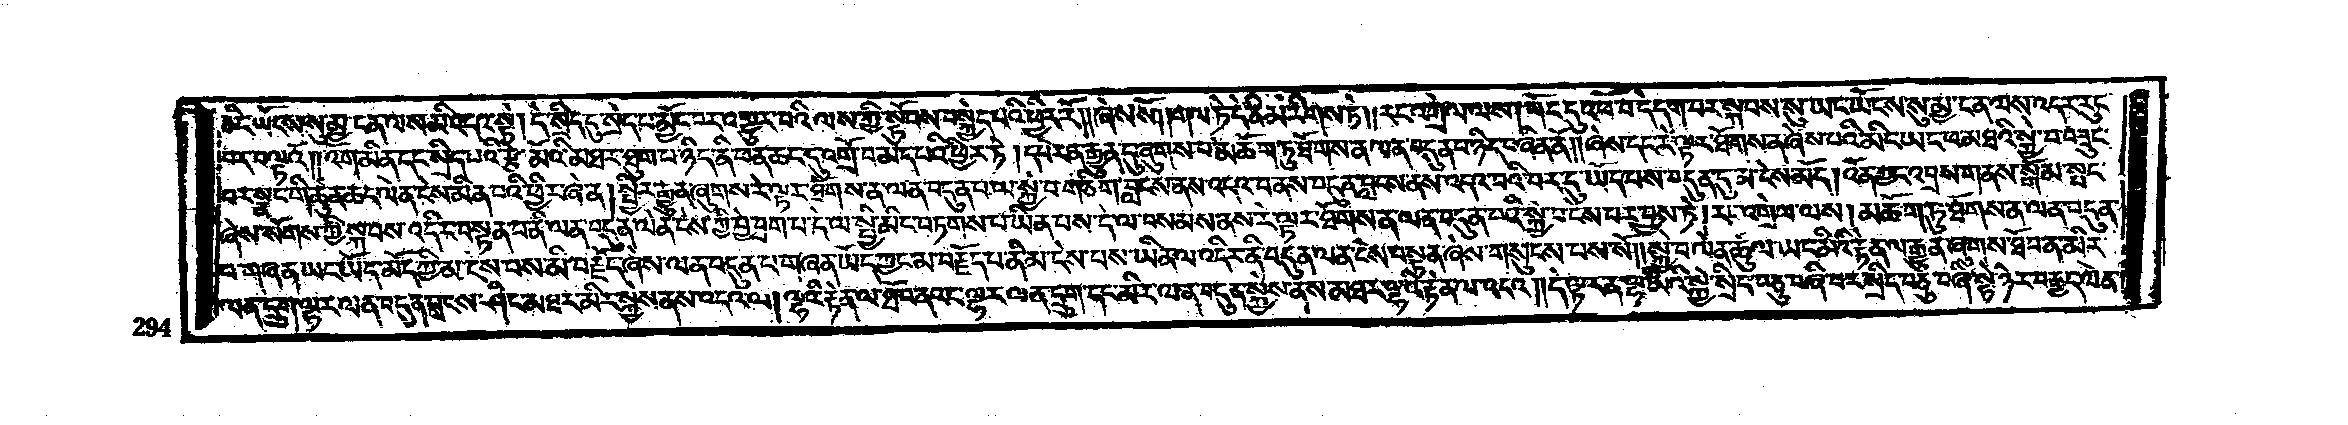ཅིང་ཡོངས་སུ་མྱ་ངན་ལས་མི་འདའ་སྟེ། དེ་སྲིད་དུ་སྲིད་པ་མྱོང་བར་འགྱུར་བའི་ལས་ཀྱི་སྟོབས་བསྐྱེད་པའི་ཕྱིར་རོ། །ཞེས་སོ། །གལ་ཏེ་དེ་ནི་མི་རིགས་ཏེ། །རང་འགྲེལ་ལས། གོང་དུ་འཕོ་བ་དེ་དག་པར་སྐབས་སུ་ཡང་ཡོངས་སུ་མྱ་ངན་ལས་འདར་རུང་
བར་བལྟའོ། །འོག་མིན་དང་སྲིད་པའི་རྩེ་མོའི་མཐར་ཐུག་པ་ཉིད་ནི་ཕན་ཆད་དུ་འགྲོ་བ་མེད་པའི་ཕྱིར་ཏེ། དཔེར་ན་རྒྱུན་དུ་ཞུགས་པ་མཆོག་ཏུ་ཐོགས་ན་ལན་བདུན་པ་ཉིད་བཞིན་ནོ། །ཞེས་དང་རེ་ལྟར་ཐོགས་ན་ཞེས་པའི་མིང་ཡང་ཕ་མཐའི་སྐྱེ་བ་བཟུང་
བར་སྣང་གི་ཚུན་ཆད་ལེན་ངེས་མིན་པའི་ཕྱིར་ཞེ་ན། སྤྱིར་རྒྱུན་ཞུགས་རེ་ལྟར་ཐོགས་ན་ལན་བདུན་པ་ལ་སྐྱེ་བ་གཅིག་བླངས་ནས་འདའ་བ་ནས་བདུན་བླངས་ནས་འདའ་བའི་བར་དུ་ཡོད་པས་བདུན་དུ་མ་ངེས་མོད། འོན་ཀྱང་འབྲས་གནས་སྒོམ་སྤང་
ཞེས་སོགས་ཀྱི་སྐབས་འདིར་བསྟན་པ་ནི་ལན་བདུན་ལེན་ངེས་ཀྱི་བྱེ་བྲག་པ་དེ་ལ་སྤྱི་མིང་བཏགས་པ་ཡིན་པས་དེ་ལ་བསམས་ནས་རེ་ལྟར་ཐོགས་ན་ལན་བདུན་པའི་སྐྱེ་བ་ངེས་པར་བྱས་ཏེ། རང་འགྲེལ་ལས། མཆོག་ཏུ་ཐོགས་ན་ལན་བདུན་
པ་གཞན་ཡང་ཡོད་མོད་ཀྱི་མ་ངེས་པས་མི་བརྗོད་ཞེས་ལན་བདུན་པ་གཞན་ཡོད་ཀྱང་མ་བརྗོད་པ་ནི་མ་ངེས་པས་ཡིན་ལ་འདིར་ནི་བདུན་ལན་ངེས་བསྟན་ཞེས་གསུངས་པས་སོ། །སྐྱ་བ་ལེན་ཚུལ་ཡང་མིའི་རྟེན་ལ་རྒྱུན་ཞུགས་ཐོབ་ན་མིང་
ལན་དྲུག་ལྷར་ལན་བདུན་བླངས་ཤིང་མཐར་མིར་སྐྱེས་ནས་འདའ་ལ། ལྷའི་རྟེན་ལ་ཐོབ་ནའང་ལྷར་ལན་དྲུག་དང་མིར་ལན་བདུན་སྐྱེས་ནས་མཐར་ལྷའི་རྟེན་ལ་འདའ། །དེ་ལྟར་ན་ལྷ་མིའི་སྐྱེ་སྲིད་བཅུ་བཞི་བར་སྲིད་བཅུ་བཞི་སྟེ་ཉེར་བརྒྱད་ལེན་